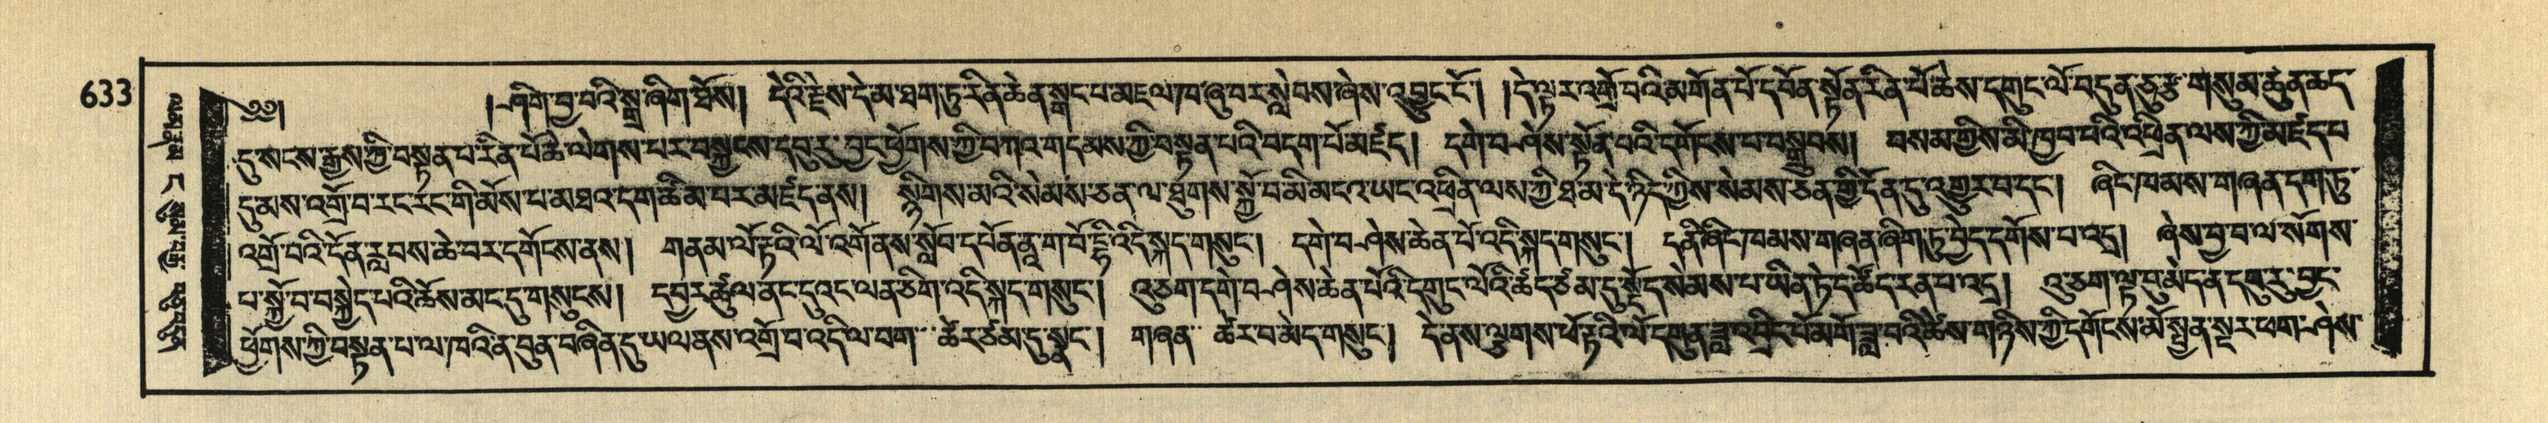༄༅། །ཤིག་བྱ་བའི་སྒྲ་ཞིག་ཐོས། དེའི་རྗེས་དེ་མ་ཐག་ཏུ་རིན་ཆེན་སྒང་པ་མཇལ་ཁ་ཞུ་བར་སླེབས་ཞེས་འབྱུང་ངོ། །དེ་ལྟར་འགྲོ་བའི་མགོན་པོ་དབོན་སྟོན་རིན་པོ་ཆེས་དགུང་ལོ་བདུན་ཅུ་རྩ་གསུམ་ཆུན་ཆད་
དུ་སངས་རྒྱས་ཀྱི་བསྟན་པ་རིན་པོ་ཆེ་ལེགས་པར་བསྐྱངས་དབུ་རུ་བྱང་ཕྱོགས་ཀྱི་བཀའ་གདམས་ཀྱི་བསྟན་པའི་བདག་པོ་མཛད། དགེ་བཤེས་སྟོན་པའི་དགོངས་བ་བསྒྲུབས། བསམ་གྱིས་མི་ཁྱབ་པའི་འཕྲིན་ལས་ཀྱི་མཛད་པ་
དུ་མས་འགྲོ་བ་རང་རང་གི་མོས་པ་མཐའ་དག་ཚིམ་བར་མཛད་ནས། སྙིགས་མའི་སེམས་ཅན་ལ་ཐུགས་སྐྱོ་བ་མི་མངའ་ཡང་འཕྲིན་ལས་ཀྱི་ཐ་མ་དེ་ཉིད་ཀྱིས་སེམས་ཅན་གྱི་དོན་དུ་འགྱུར་བ་དང་། ཞིང་ཁམས་གཞན་དག་ཏུ་
འགྲོ་བའི་དོན་རླབས་ཆེ་བར་དགོངས་ནས། གནམ་ལོ་རྟའི་ལོ་འགོ་ནས་སློབ་དཔོན་ནཱ་ག་བོ་དྷི་འདི་སྐད་གསུང་། དགེ་བཤེས་ཆེན་པོ་འདི་སྐད་གསུང་། ད་ནི་ཞིང་ཁམས་གཞན་ཞིག་ཏུ་བྱེད་དགོས་བ་འདྲ། ཞེས་བྱ་བ་ལ་སོགས་
པ་སྐྱོ་བ་བསྐྱེད་པའི་ཆོས་མང་དུ་གསུངས། དབྱར་ཚུལ་ནང་དུའང་ལན་ཅིག་འདི་སྐད་གསུང་། འུ་ཅག་དགེ་བཤེས་ཆེན་པོའི་དགུང་ལོའི་ཚད་ཙམ་དུ་སྡོད་སེམས་པ་ཡིན་ཏེ་ད་ཚོད་རན་པ་འདྲ། འུ་ཅག་ལྟ་བུ་མེད་ན་དབུ་རུ་བྱང་
ཕྱོགས་ཀྱི་བསྟན་པ་ལ་ཁའི་ན་བུན་བཞིན་དུ་ཡལ་ནས་འགྲོ་བ་འདི་ལ་བག་ཚེར་ཙམ་དུ་སྣང་། གཞན་ཚེར་བ་མེད་གསུང་། དེ་ནས་ལྕགས་ཕོ་རྟའི་ལོ་དགུན་ཟླ་འབྲིང་པོ་མགོ་ཟླ་བའི་ཚེས་གཉིས་ཀྱི་དགོངས་མོ་སྤྱན་སྔར་ཕག་ཤེས་